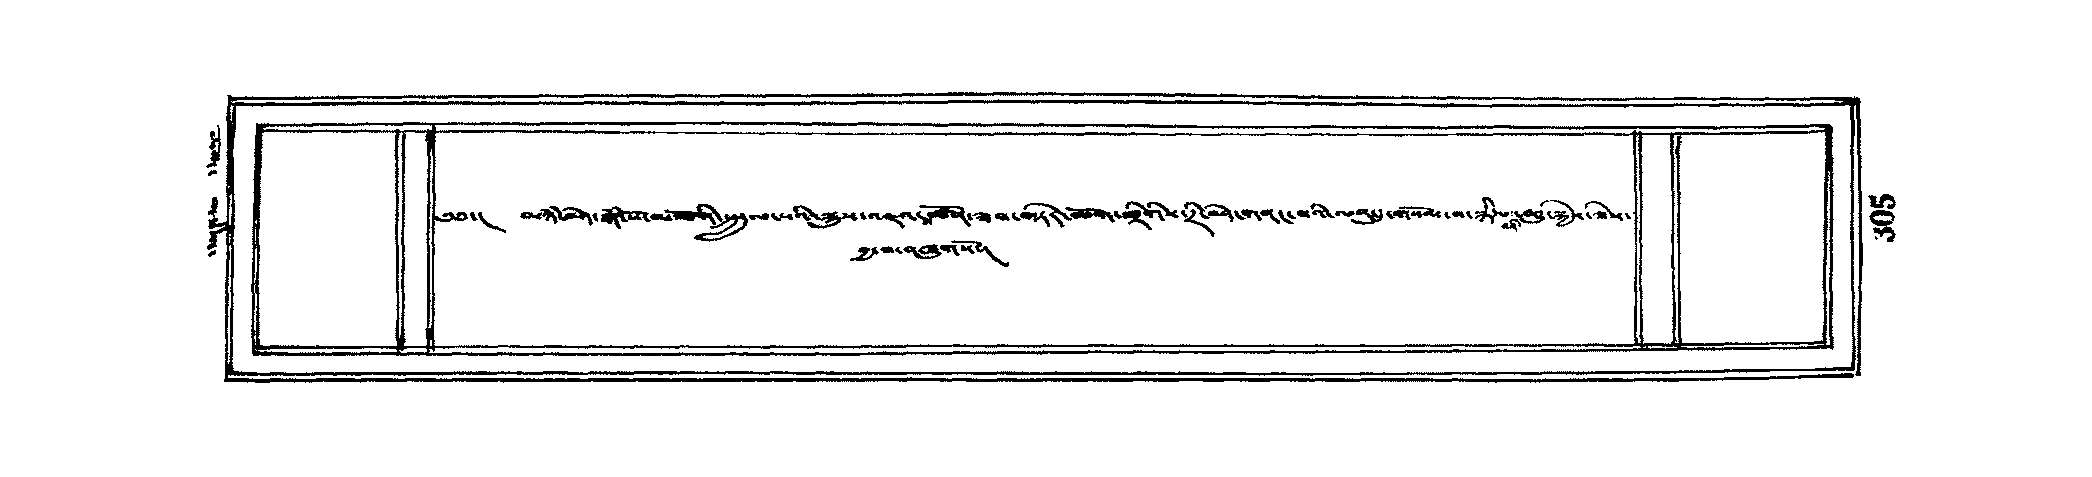༄༅། མཉམ་མེད་སྒམ་པོ་མཆོག་གི་སྤྲུལ་བའི་སྐུས་འཇའ་ཚོན་ཟབ་གཏེར་ཆོག་ཁྲིག་གིས་དྲི་མེད་གནང་བའི་ལན་དུ་གསོལ་བ་སྙིལ་བཞི་ཆུ་སྐྱེས་ཅེས་
བྱ་བ་བཞུགས་སོ།